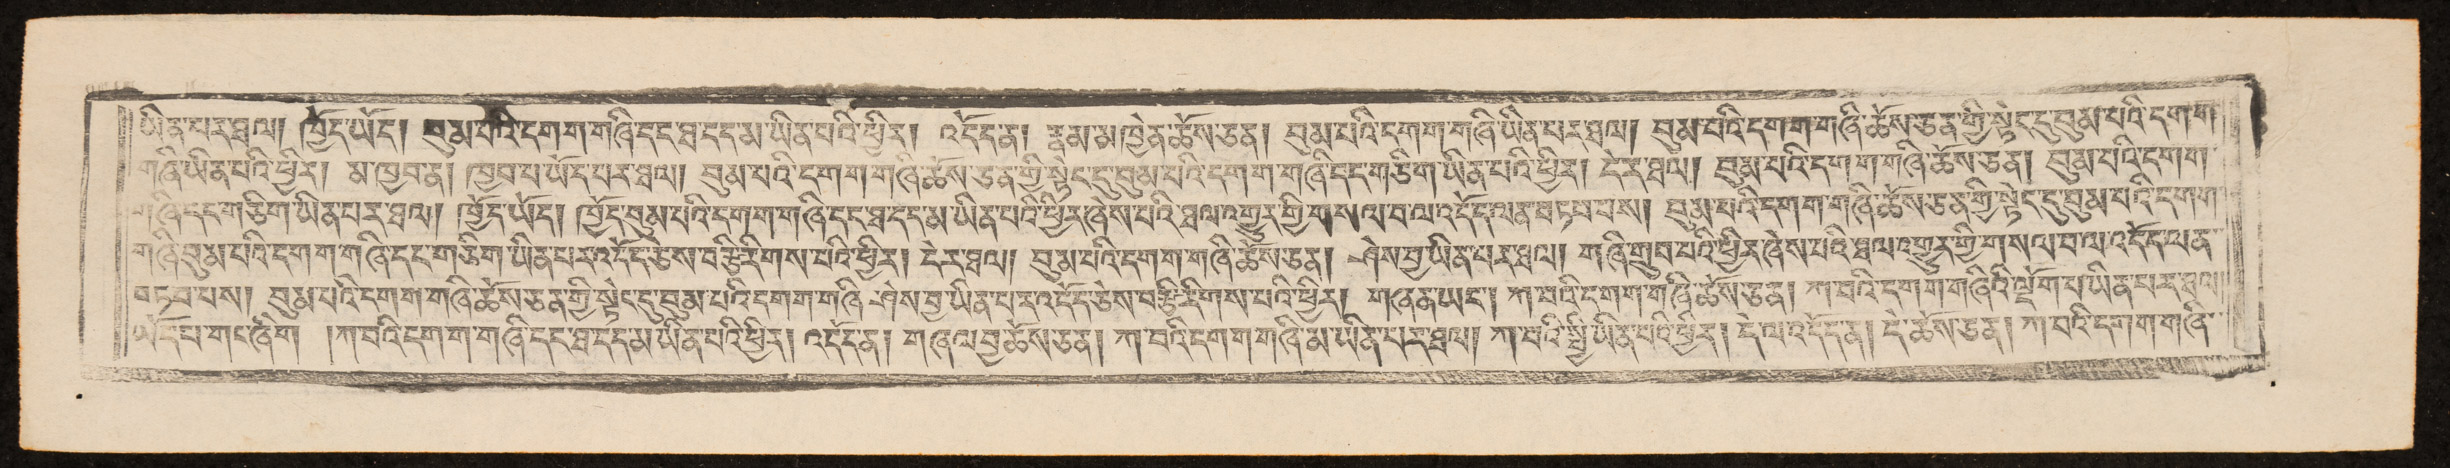ཡིན་པར་ཐལ། ཁྱོད་ཡོད། བུམ་པའི་དགག་གཞི་དང་ཐ་དད་མ་ཡིན་པའི་ཕྱིར། འདོད་ན། རྣམ་མཁྱེན་ཆོས་ཅན། བུམ་པའི་དགག་གཞི་ཡིན་པར་ཐལ། བུམ་པའི་དགག་གཞི་ཆོས་ཅན་གྱི་སྟེང་དུ་བུམ་པའི་དགག་
གཞི་ཡིན་པའི་ཕྱིར། མ་ཁྱབ་ན། ཁྱབ་པ་ཡོད་པར་ཐལ། བུམ་པའི་དགག་གཞི་ཆོས་ཅན་གྱི་སྟེང་དུ་བུམ་པའི་དགག་གཞི་དང་གཅིག་ཡིན་པའི་ཕྱིར། དེར་ཐལ། བུམ་པའི་དགག་གཞི་ཆོས་ཅན། བུམ་པའི་དགག་
གཞི་དང་གཅིག་ཡིན་པར་ཐལ། ཁྱོད་ཡོད། ཁྱོད་བུམ་པའི་དགག་གཞི་དང་ཐ་དད་མ་ཡིན་པའི་ཕྱིར་ཞེས་པའི་ཐལ་འགྱུར་གྱི་གསལ་བ་ལ་འདོད་ལན་བཏབ་པས། བུམ་པའི་དགག་གཞི་ཆོས་ཅན་གྱི་སྟེང་དུ་བུམ་པའི་དགག་
གཞི་བུམ་པའི་དགག་གཞི་དང་གཅིག་ཡིན་པར་འདོད་ཅེས་བརྩི་རིགས་པའི་ཕྱིར། དེར་ཐལ། བུམ་པའི་དགག་གཞི་ཆོས་ཅན། ཤེས་བྱ་ཡིན་པར་ཐལ། གཞི་གྲུབ་པའི་ཕྱིར་ཞེས་པའི་ཐལ་འགྱུར་གྱི་གསལ་བ་ལ་འདོད་ལན་
བཏབ་པས། བུམ་པའི་དགག་གཞི་ཆོས་ཅན་གྱི་སྟེང་དུ་བུམ་པའི་དགག་གཞི་ཤེས་བྱ་ཡིན་པར་འདོད་ཅེས་བརྩི་རིགས་པའི་ཕྱིར། གཞན་ཡང་། ཀ་བའི་དགག་གཞི་ཆོས་ཅན། ཀ་བའི་དགག་གཞིའི་ལྡོག་པ་ཡིན་པར་ཐལ།
ཡོད་པ་གང་ཞིག། ཀ་བའི་དགག་གཞི་དང་ཐ་དད་མ་ཡིན་པའི་ཕྱིར། འདོད་ན། གཞལ་བྱ་ཆོས་ཅན། ཀ་བའི་དགག་གཞི་མ་ཡིན་པར་ཐལ། ཀ་བའི་སྤྱི་ཡིན་པའི་ཕྱིར། དེ་ལ་འདོད་ན། དེ་ཆོས་ཅན། ཀ་བའི་དགག་གཞི་